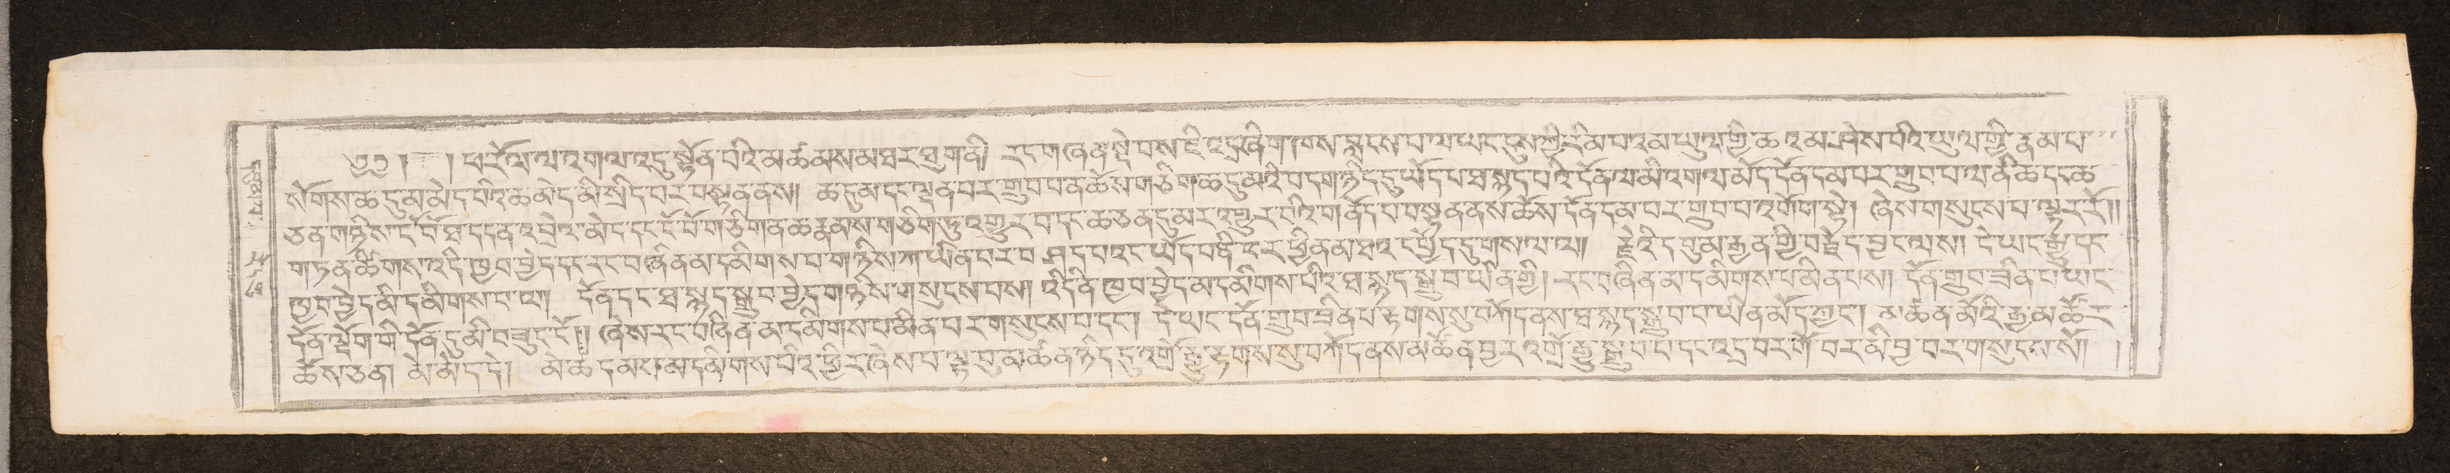༄༅། །ཕ་རོལ་ལ་འགལ་འདུ་སྟོན་པའི་མཚམས་མཐར་ཐུག་ནི། རང་གཞན་སྡེ་བས་ཇི་འདྲ་ཞིག་ཁས་བླངས་པ་ལ་ཡང་དུས་ཀྱི་རིམ་པའམ་ཡུལ་གྱི་ཆའམ་ཤེས་པའི་ཡུལ་གྱི་རྣམ་པ་
སོགས་ཆ་དུ་མ་མེད་པའི་ཆ་མེད་མི་སྲིད་པར་བསྟན་ནས། །ཆ་དུ་མ་དང་ལྡན་པར་གྲུབ་པ་ན་ཆོས་གཅིག་ཆ་དུ་མའི་བདག་ཉིད་དུ་ཡོད་པ་ཐ་སྙད་པའི་དོན་ལ་མི་འགལ་མོད་དོན་དམ་པར་གྲུབ་པ་ལ་ནི་ཆ་དང་ཆ་
ཅན་གཉིས་ངོ་བོ་ཐ་དད་ན་འབྲེལ་མེད་དང་ངོ་བོ་གཅིག་ཆ་རྣམས་གཅིག་ཏུ་འགྱུར་བ་དང་ཆ་ཅན་དུ་མྲ་འགྱུར་པའི་གནོད་པ་བསྟན་ནས་ཆོས་དོན་དམ་པྲ་གྲུབ་པ་འགོག་སྟེ། ཞེས་གསུངས་པ་ལྟར་རོ། །
གཏན་ཚིག་འདི་ཁྱབ་བྱེད་དང་རང་བཞིན་མ་དམིགས་པ་གཉིས་ཀ་ཡིན་པར་བཤད་པའང་ཡོད་པ་ནི་ཕར་ཕྱིན་མཐའ་དཔྱོད་དུ་གསལ་ལ། རྗེའི་དབུ་མ་རྒྱན་གྱི་བརྗེད་བྱང་ལས། དེ་ཡང་རྒྱུ་དང་།
ཁྱབ་བྱེད་མི་དམིགས་པ་ལ། དོན་དང་ཐ་སྙད་སྒྲུབ་བྱེད་གཉིས་གསུངས་པས། །འདི་ནི་ཁྱབ་བྱེད་མ་དམིགས་པའི་ཐ་སྙད་སྒྲུབ་ཡིན་གྱི། རང་བཞིན་མ་དམིགས་པ་མིན་པས། དོན་གྲུབ་ཟིན་པ་ཡང་
དོན་ལྡོག་གི་དོན་དུ་མི་བཟུང་ངོ། །ཞེས་རང་བཞིན་མ་དམིགས་པ་མིན་པར་གསུངས་པ་དང་། དེ་ཡང་དོན་གྲུབ་ཟིན་པ་རྟགས་སུ་བཀོད་ནས་ཐ་སྙད་སྒྲུབ་པ་ཡིན་མོད་ཀྱང་། མཚན་མོའི་རྒྱ་མཚོར་
ཆོས་ཅན། མེ་མེད་དེ། །མེ་ཚད་མས་མ་དམིགས་པའི་ཕྱིར་ཞེས་པ་ལྟ་བུ་མཚན་ཉིད་དུ་འགྲོ་རྒྱུ་རྟགས་སུ་བཀོད་ནས་མཚོན་བྱར་འགྲོ་རྒྱུ་སྒྲུབ་པ་དང་འདྲ་བར་གོ་བར་མི་བྱ་བར་གསུངས་སོ།།